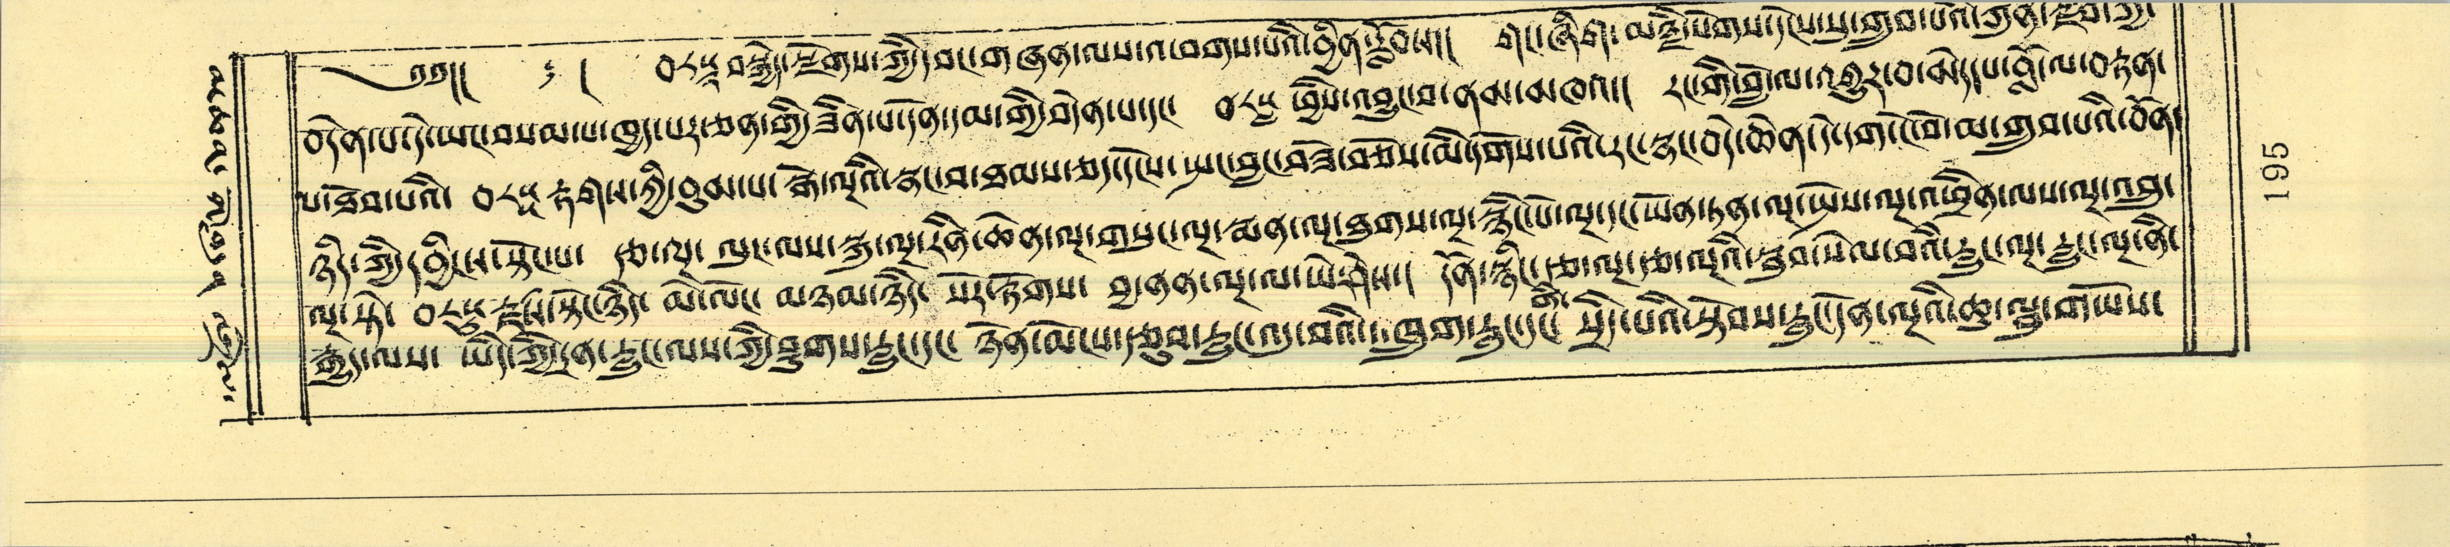བ༨༥།༢བསྐྱེད་རྫོགས་ཀྱི་དབང་གཞན་ལས་འཕགས་པའི་༼བྱིན་རློབས༽༼གང་ཞིག༽མཉྗི་སོགས་དངོས་སུ་གྲུབ་པའི་ཀུན་རྫོབ་ཀྱི་
༼བདེན་པ༽དེ་ཡང་བསམ་པ་ཁྱད་པར་ཅན་གྱིས་ཟིན་པ་དོན་དམ་གྱི་བདེན་པ་དང་། བ༨༥།༤ཕྱིས་འབྱུང་བ་༼ནམ་མཁའ༽རང་གི་བློ་ལ་༼འགྱུར་བ་མེད་པ་བློ་ལ་བརྟན་
པ་༽ཐོབ་པའི་བ༨༥།༥༼རྟགས་ཀྱི་བུམ་པ༽སྒོ་ལྔའི་སྣང་བ་ཐམས་ཅད་དངོས་སྤང་བླང་བཟོ་བཅོས་མི་དགོས་པའི་རང་སྣང་༼བདེ་ཆེན༽དེ་དག་ངོ་བོ་མ་གྲུབ་པའི་༼བོན་
ཉིད༽ཀྱི་༼དབྱིངས༽སྟོང་པ་༼རྩ་ལྔ༽ལུང་ལས་སྐུ་ལྔ་རིན་ཆེན་ལྔ་གསུང་ལྔ་སྨན་ལྔ་ཐུགས་ལྔ་སྙིང་པོ་ལྔ་དང་ཡོན་ཏན་ལྔ་སྤོས་ལྔ་འཕྲིན་ལས་ལྔ་འབྲུ་
ལྔ་༼སྟེ༽བ༨༥།༦༼རྫས༽སྟོང་ཉིད་མེ་ལོང་མཉམ་ཉིད་སོར་རྟོགས་བྱ་ནན་ལྔ་ལ་༼ཡེ་ཤེས༽༼དོན་སྙིང་༽གི་རྩ་ལྔ་རྩ་ལྔའི་སྦུབས་སེལ་བའི་རླུང་ལྔ་རླུང་ལྔ་ནི་
རྒྱུད་ལས། ཡིད་ཀྱི་དྲན་རླུང་ལས་ཀྱི་ཤུགས་རླུང་དང་། ཉོན་མོངས་རྩུབ་འདུ་བའི་འཁྲུགས་རླུང་འདུ་བའི་འཁྲུགས་རླུང་དང་། སྲིད་པའི་སྟོབས་རླུང་དོན་ལྔའི་ཆུ་ལྦུ་གཡོས།